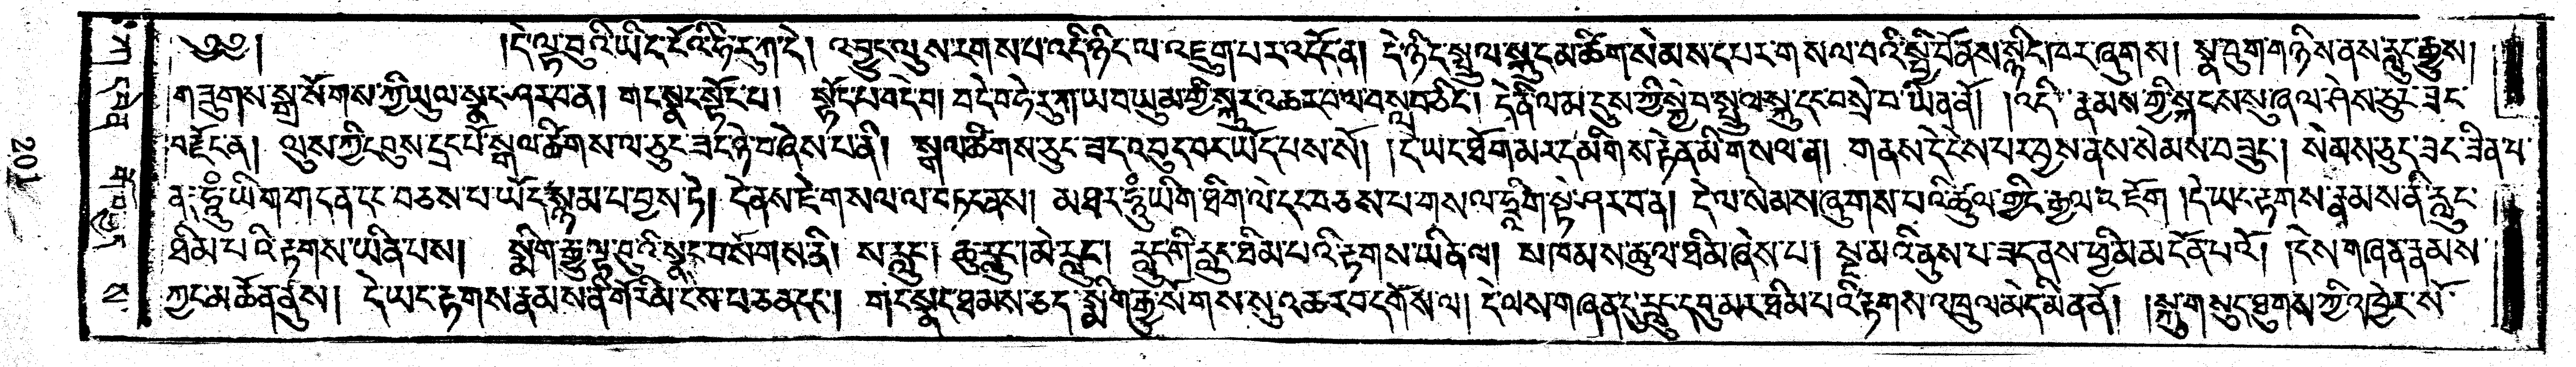༄༅། །དེ་ལྟ་བུའི་ཡིད་ངོའི་ཧེ་རུ་ཀ་དེ། འབྱུང་ལུས་རགས་པ་འདི་ཉིད་ལ་འཇུག་པར་འདོད་ན། དེ་ཉིད་སྤྲུལ་སྐུ་དམ་ཚིག་སེམས་དཔར་གསལ་བའི་སྤྱི་བོ་ནས་སྙིང་ཁར་ཞུགས། སྣ་བུག་གཉིས་ནས་རླུང་རྒྱུས།
གཟུགས་སྒྲ་སོགས་ཀྱི་ཡུལ་སྣང་ཤར་བ་ན། གང་སྣང་སྟོང་པ། སྟོང་པ་བདེ་བ། བདེ་བ་ཧེ་རུ་ཀ་ཡབ་ཡུམ་གྱི་སྐུར་འཆར་བ་ལ་བསླབ་ཅིང་། དེ་ནི་ལམ་དུས་ཀྱི་སྐྱེ་བ་སྤྲུལ་སྐུ་དང་བསྲེ་བ་ཡིན་ནོ། །འདི་རྣམས་ཀྱི་སྐངས་སུ་ཞལ་ཤེས་ཅུང་ཟད་
བརྗོད་ན། ལུས་ཀྱི་དབུས་དྲང་པོ་སྒལ་ཚིགས་ལ་ཅུང་ཟད་ཉེ་བ་ཞེས་པ་ནི། སྒལ་ཚིགས་ཅུང་ཟད་འབུད་བར་ཡོད་པས་སོ། །དེ་ཡང་ཐོག་མར་དམིགས་རྟེན་མི་གསལ་ན། གནས་དེ་ངེས་པར་བྱས་ནས་སེམས་བཟུང་། སེམས་ཅུང་ཟད་ཟིན་པ་
ན༑ ཧཱུཾ་ཡིག་གདན་དང་བཅས་པ་ཡོད་སྙམ་པ་བྱས་ཏེ། དེ་ནས་ཇེ་གསལ་ལ་བཏང་ནས། མཐར་ཧཱུཾ་ཡིག་ཐིག་ལེ་དང་བཅས་པ་གསལ་ཧྲཱི་ག་སྟེ་ཤར་བ་ན། དེ་ལ་སེམས་ཞུགས་པའི་ཚུལ་གྱི་ང་རྒྱལ་འཇོག །དེ་ཡང་རྟགས་རྣམས་ནི་རླུང་
ཐིམ་པའི་རྟགས་ཡིན་པས། སྨིག་རྒྱུ་ལྟ་བུའི་སྣང་བ་སོགས་ནི། ས་རླུང་། ཆུ་རླུང་། མེ་རླུང་། རླུང་གི་རླུང་ཐིམ་པའི་རྟགས་ཡིན་ལ། ས་ཁམས་ཆུ་ལ་ཐིམ་ཞེས་པ། སྔ་མའི་ནུས་པ་ཟད་ནས་ཕྱི་མ་མངོན་པའོ། །ངེས་གཞན་རྣམས་
ཀྱང་མཆོན་ནུས། དེ་ཡང་རྟགས་རྣམས་ནི་གོ་རིམ་ངེས་པ་ཅན་དང་། གང་སྣང་ཐམས་ཅད་སྨིག་རྒྱུ་སོགས་སུ་འཆར་བ་དགོས་ལ། དེ་ལས་གཞན་དུ་རླུང་དབུ་མར་ཐིམ་པའི་རྟགས་འཁྲུལ་མེད་མིན་ནོ། །སྐུ་གསུང་ཐུགས་ཀྱི་འཁྱེར་སོ་